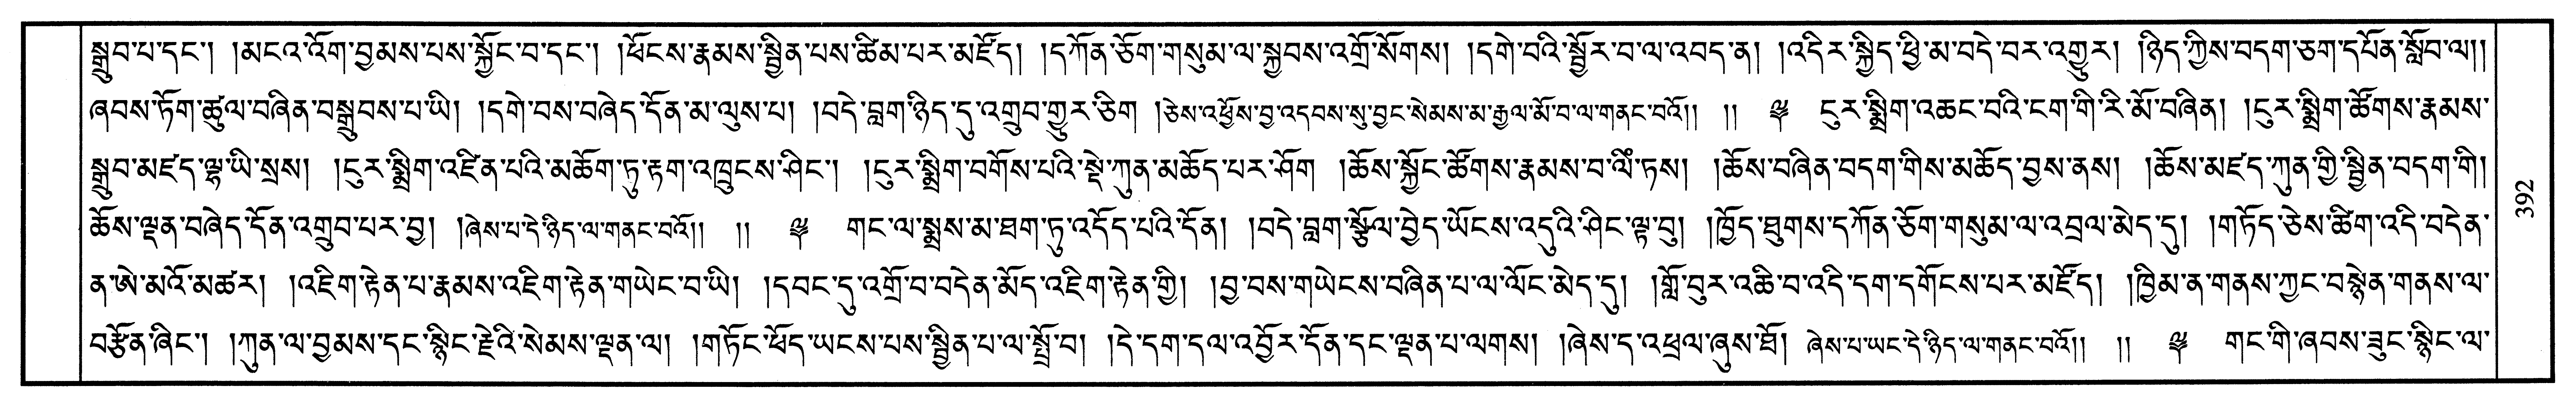སྒྲུབ་པ་དང་། །མངའ་འོག་བྱམས་པས་སྐྱོང་བ་དང་། །ཕོངས་རྣམས་སྦྱིན་པས་ཚིམ་པར་མཛོད། །དཀོན་ཅོག་གསུམ་ལ་སྐྱབས་འགྲོ་སོགས། །དགེ་བའི་སྦྱོར་བ་ལ་འབད་ན། །འདིར་སྐྱིད་ཕྱི་མ་བདེ་བར་འགྱུར། །ཉིད་ཀྱིས་བདག་ཅག་དཔོན་སློབ་ལ།།
ཞབས་ཏོག་ཚུལ་བཞིན་བསྒྲུབས་པ་ཡི། །དགེ་བས་བཞེད་དོན་མ་ལུས་པ། །བདེ་བླག་ཉིད་དུ་འགྲུབ་གྱུར་ཅིག །ཅེས་འཕྱོས་བྱ་འདབས་སུ་བྱང་སེམས་མ་རྒྱལ་མོ་བ་ལ་གནང་བའོ།། །། ༈ ངུར་སྨྲིག་འཆང་བའི་ངག་གི་རི་མོ་བཞིན། །ངུར་སྨྲིག་ཚོགས་རྣམས་
སྒྲུབ་མཛད་ལྷ་ཡི་སྲས། །ངུར་སྨྲིག་འཛིན་པའི་མཆོག་ཏུ་རྟག་འཁྲུངས་ཤིང་། །ངུར་སྨྲིག་བགོས་པའི་སྡེ་ཀུན་མཆོད་པར་ཤོག །ཆོས་སྐྱོང་ཚོགས་རྣམས་བ་ལིཾ་ཏས། །ཆོས་བཞིན་བདག་གིས་མཆོད་བྱས་ནས། །ཆོས་མཛད་ཀུན་གྱི་སྦྱིན་བདག་གི།
ཆོས་ལྡན་བཞེད་དོན་འགྲུབ་པར་བྱ། །ཞེས་པ་དེ་ཉིད་ལ་གནང་བའོ།། །། ༈ གང་ལ་སྨྲས་མ་ཐག་ཏུ་འདོད་པའི་དོན། །བདེ་བླག་སྩོལ་བྱེད་ཡོངས་འདུད་ཤིང་ལྟ་བུ། །ཁྱོད་ཐུགས་དཀོན་ཅོག་གསུམ་ལ་འབྲལ་མེད་དུ། །གཏོད་ཅེས་ཚིག་འདི་བདེན་
ན་ཨེ་མའོ་མཚར། །འཇིག་རྟེན་པ་རྣམས་འཇིག་རྟེན་གཡེང་བ་ཡི། །དབང་དུ་འགྲོ་བ་བདེན་མོད་འཇིག་རྟེན་གྱི། །བྱ་བས་གཡེངས་བཞིན་པ་ལ་ལོང་མེད་དུ། །གློ་བུར་འཆི་བ་འདི་དག་དགོངས་པར་མཛོད། །ཁྱིམ་ན་གནས་ཀྱང་བསྙེན་གནས་ལ་
བརྩོན་ཞིང་། །ཀུན་ལ་བྱམས་དང་སྙིང་རྗེའི་སེམས་ལྡན་ལ། །གཏོང་ཕོད་ཡངས་པས་སྦྱིན་པ་ལ་སྤྲོ་བ། །དེ་དག་དལ་འབྱོར་དོན་དང་ལྡན་པ་ལགས། །ཞེས་ད་འཕྲལ་ཞུས་ཐོ། ཞེས་པ་ཡང་དེ་ཉིད་ལ་གནང་བའོ།། །། ༈ གང་གི་ཞབས་ཟུང་སྙིང་ལ་